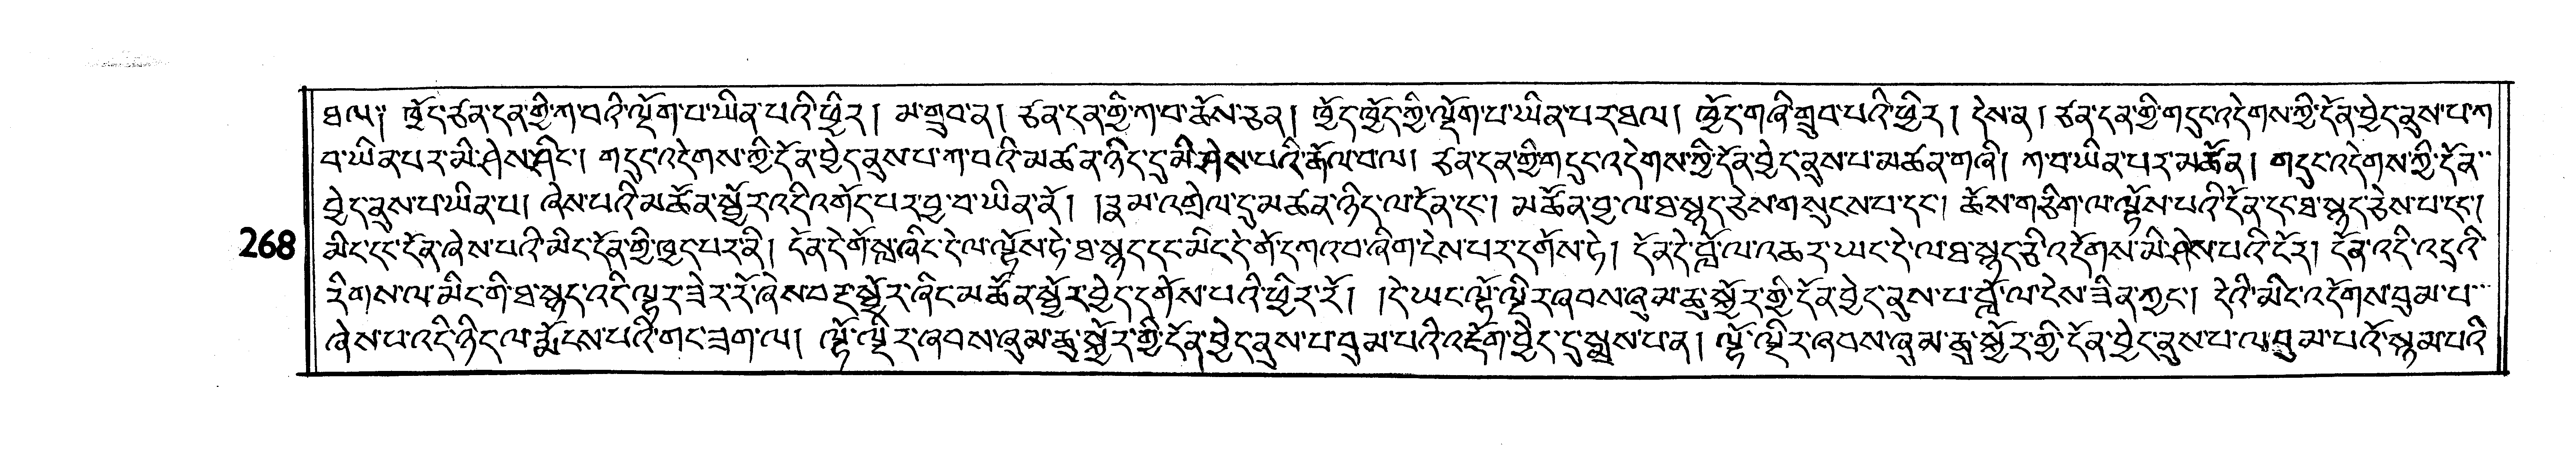ཐལ༑ ཁྱོད་ཙན་དན་གྱི་ཀ་བའི་ལྡོག་པ་ཡིན་པའི་ཕྱིར། མ་གྲུབ་ན། ཙན་དན་གྱི་ཀ་བ་ཆོས་ཅན། ཁྱོད་ཁྱོད་ཀྱི་ལྡོག་པ་ཡིན་པར་ཐལ། ཁྱོད་གཞི་གྲུབ་པའི་ཕྱིར། དེས་ན། ཙན་དན་གྱི་གདུང་འདེགས་ཀྱི་དོན་བྱེད་ནུས་པ་ཀ་
བ་ཡིན་པར་མི་ཤེས་ཤིང་། གདུང་འདེགས་ཀྱི་དོན་བྱེད་ནུས་པ་ཀ་བའི་མཚན་ཉིད་དུ་མི་ཤེས་པའི་རྒོལ་བ་ལ། ཙན་དན་གྱི་གདུང་འདེགས་ཀྱི་དོན་བྱེད་ནུས་པ་མཚན་གཞི། ཀ་བ་ཡིན་པར་མཚོན། གདུང་འདེགས་ཀྱི་དོན་
བྱེད་ནུས་པ་ཡིན་པ། ཞེས་པའི་མཚོན་སྦྱོར་འདི་འགོད་པར་བྱ་བ་ཡིན་ནོ། །རྣམ་འགྲེལ་དུ་མཚན་ཉིད་ལ་དོན་དང་། མཚོན་བྱ་ལ་ཐ་སྙད་ཅེས་གསུངས་པ་དང་། ཆོས་གཅིག་ལ་ལྟོས་པའི་དོན་དང་ཐ་སྙད་ཅེས་པ་དང་།
མིང་དང་དོན་ཞེས་པའི་མིང་དོན་གྱི་ཁྱད་པར་ནི། དོན་དེ་གོ་སླ་ཞིང་དེ་ལ་ལྟོས་ཏེ་ཐ་སྙད་དང་མིང་དེ་གོ་དཀའ་བ་ཞིག་ངེས་པར་དགོས་ཏེ། དོན་དེ་བློ་ལ་འཆར་ཡང་དེ་ལ་ཐ་སྙད་ཅི་འདོགས་མི་ཤེས་པའི་ངོར། དོན་འདི་འདྲའི་
རིགས་ལ་མིང་གི་ཐ་སྙད་འདི་ལྟར་ཟེར་རོ་ཞེས་བརྡ་སྦྱོར་ཞིང་མཚོན་སྦྱོར་བྱེད་དགོས་པའི་ཕྱིར་རོ། །དེ་ཡང་ལྷོ་ལྡིར་ཞབས་ཞུམ་ཆུ་སྐྱོར་གྱི་དོན་བྱེད་ནུས་པ་བློ་ལ་ངེས་ཟིན་ཀྱང་། དེའི་མིང་འདོགས་བུམ་པ་
ཞེས་པ་འདི་ཉིད་ལ་རྨོངས་པའི་གང་ཟག་ལ། ལྷོ་ལྡིར་ཞབས་ཞུམ་ཆུ་སྐྱོར་གྱི་དོན་བྱེད་ནུས་པ་བུམ་པའི་འཇོག་བྱེད་དུ་སྨྲས་པ་ན། ལྷོ་ལྡིར་ཞབས་ཞུམ་ཆུ་སྐྱོར་གྱི་དོན་བྱེད་ནུས་པ་ལ་བུམ་པའོ་སྙམ་པའི་